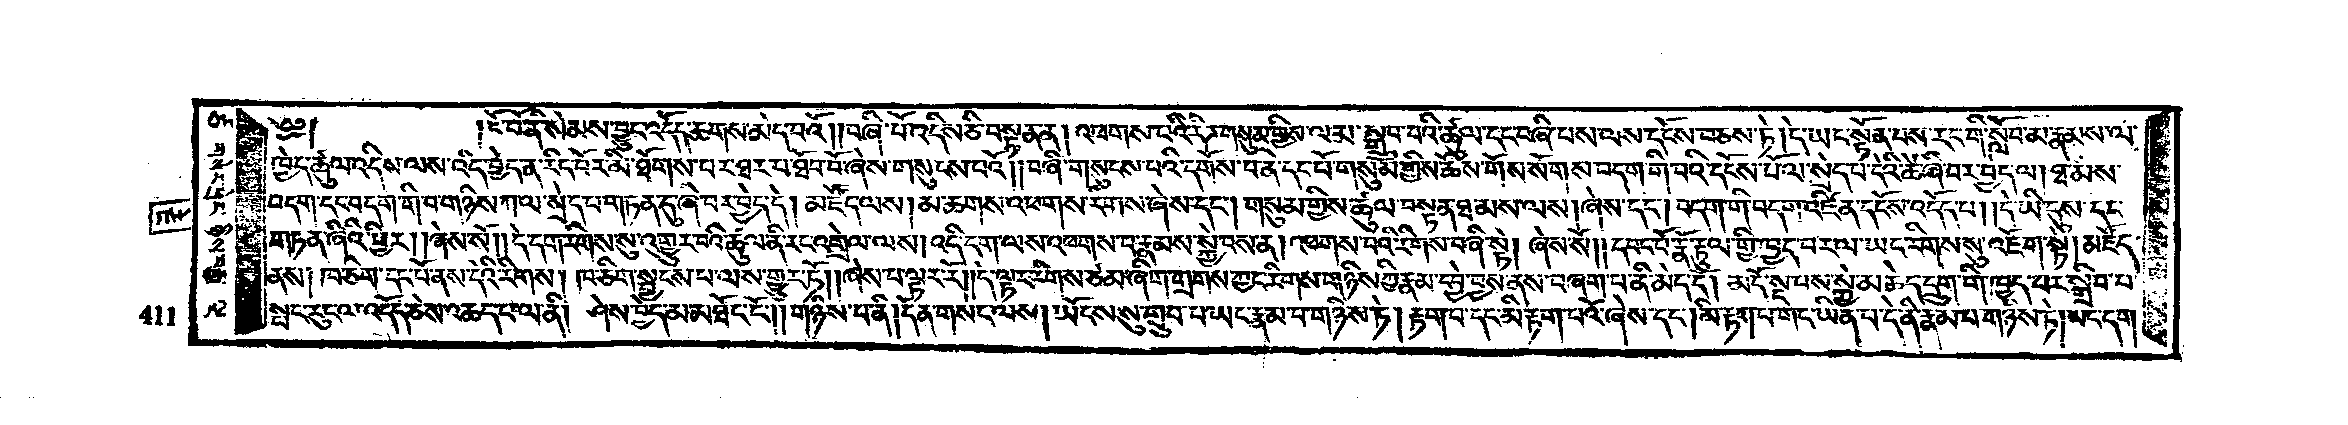༄༅། །ངོ་བོ་ནི་སེམས་བྱུང་འདོད་ཆགས་མེད་པའོ། །བཞི་པོ་འདིས་ཅི་བསྟན་ན། འཕགས་པའི་རིགས་གསུམ་གྱིས་ལམ་སྒྲུབ་པའི་ཚུལ་དང་བཞི་པས་ལས་དངོས་བཅས་ཏེ། དེ་ཡང་སྟོན་པས་རང་གི་སློབ་མ་རྣམས་ལ་
ཁྱེད་ཚུལ་འདིས་ལས་འདི་བྱེད་ན་རིང་པོར་མི་ཐོགས་པར་ཐར་པ་ཐོབ་བོ་ཞེས་གསུངས་པའོ། །བཞི་གསུངས་པའི་དགོས་པ་ནི་དང་པོ་གསུམ་གྱིས་ཆོས་གོས་སོགས་བདག་གི་བའི་དངོས་པོ་ལ་སྲིད་པ་དེའི་ཚེ་ཞི་བར་བྱེད་ལ། ཐ་མས་
བདག་དང་བདག་གི་བ་གཉིས་ཀ་ལ་སྲིད་པ་གཏན་དུ་ཞི་བར་བྱེད་དེ། མཛོད་ལས། མ་ཆགས་འཕགས་རིགས་ཞེས་དང་། གསུམ་གྱིས་ཚུལ་བསྟན་ཐ་མས་ལས། ཞེས་དང་། བདག་གི་བདག་འཛིན་དངོས་འདོད་པ། །དེ་ཡི་དུས་དང་
གཏན་ཞིའི་ཕྱིར། །ཞེས་སོ། །དེ་དག་རིགས་སུ་འགྱུར་བའི་ཚུལ་ནི་རང་འགྲེལ་ལས། འདི་དག་ལས་འཕགས་པ་རྣམས་སྐྱེ་བས་ན། འཕགས་པའི་རིགས་བཞི་སྟེ། ཞེས་སོ། །དབང་པོ་རྣོ་རྟུལ་གྱི་ཁྱད་པར་ལ་ཡང་རིགས་སུ་འཇོག་སྟེ། མཛོད་
ནས། ཁ་ཅིག་དང་པོ་ནས་དེའི་རིགས། ཁ་ཅིག་སྦྱངས་པ་ལས་གྱུར་ཏོ། །ཞེས་པ་ལྟར་རོ། །དེ་ལྟར་རིགས་ཙམ་ཞིག་གྲགས་ཀྱང་རིགས་གཉིས་ཀྱི་རྣམ་དབྱེ་བྱས་ནས་བཞག་པ་ནི་མེད་དོ། །མདོ་སྔ་པས་སྐྱེ་མཆེད་དྲུག་གི་ཁྱད་པར་སྒྲིབ་པ་
སྤང་རུང་ལ་འདོད་ཅེས་འཆད་པ་ལ་ནི། ཤེས་བྱེད་མ་མཐོང་ངོ། །གཉིས་པ་ནི། དོན་གསང་ལས། ཡོངས་སུ་གྲུབ་པ་ཡང་རྣམ་པ་གཉིས་ཏེ། རྟག་པ་དང་མི་རྟག་པའོ་ཞེས་དང་། མི་རྟག་པ་གང་ཡིན་པ་དེ་ནི་རྣམ་པ་གཉིས་ཏེ། ཡང་དག་